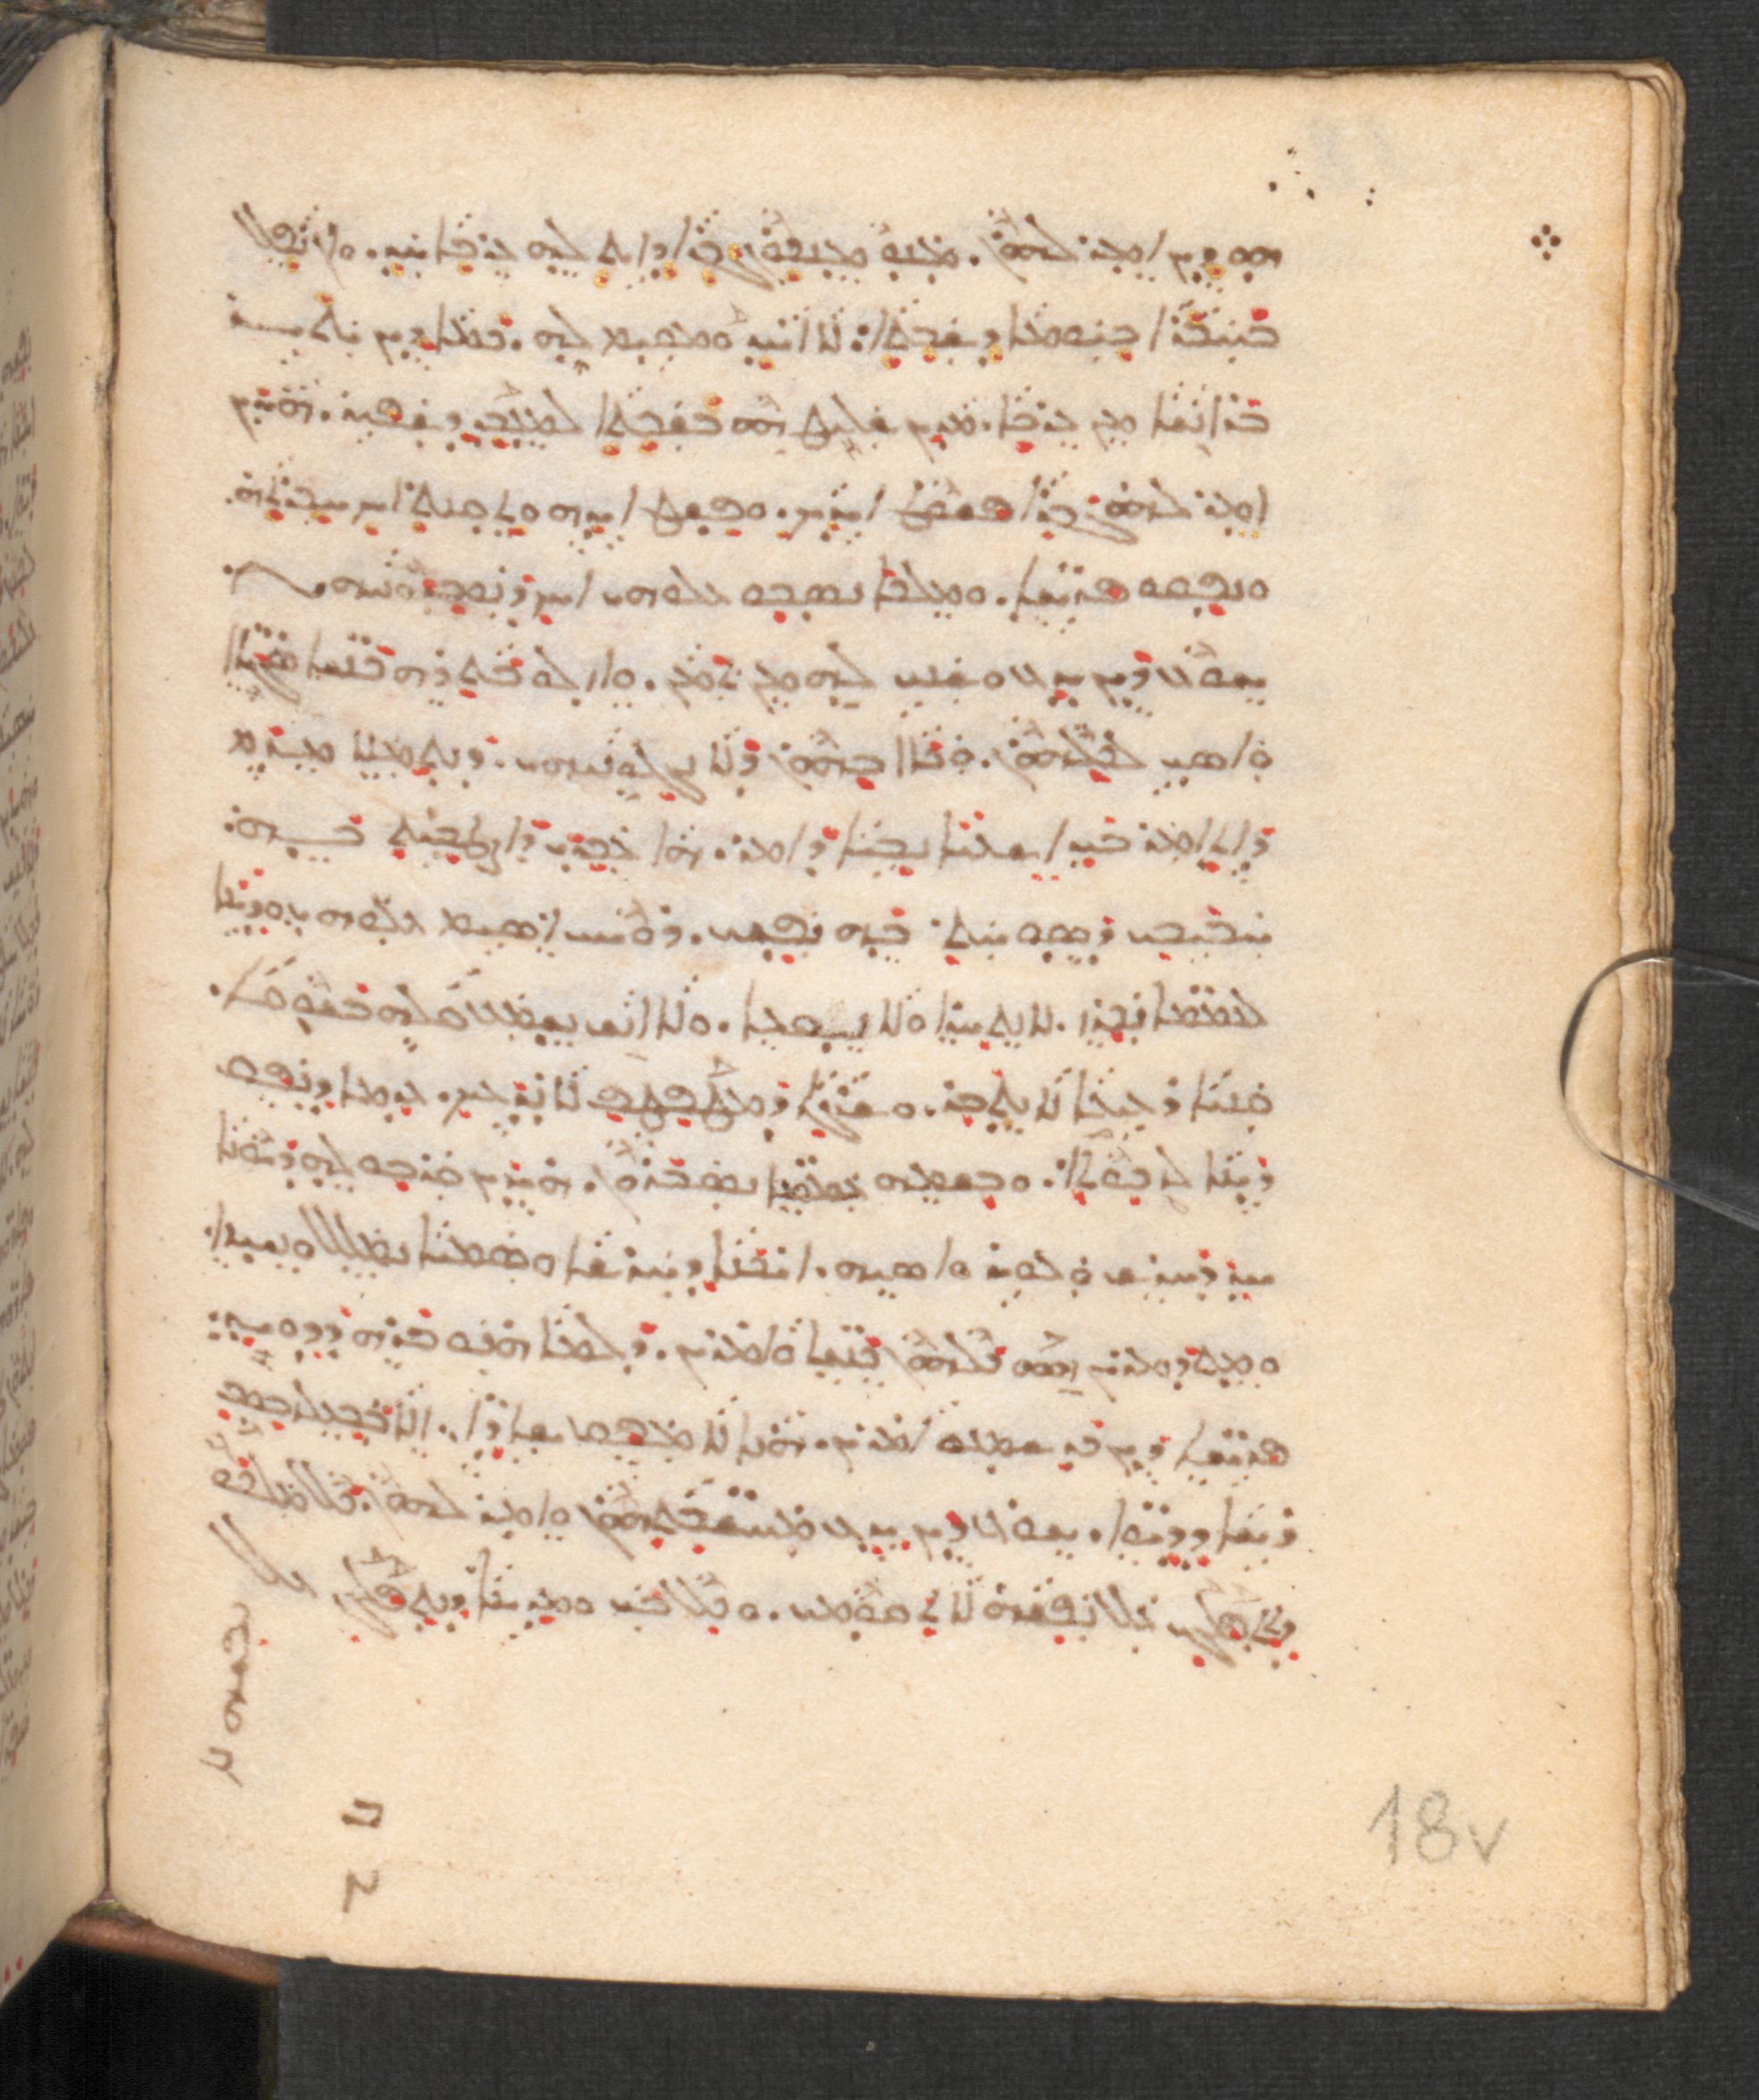ܗ̣ܘ ܕܝܢ ܐܡ̣ܪ ܠܗܘܢ. ܡܢܘ ܡܢܟܘܢ ܓܒܪܐ ܕܐܝܬ ܠܗ ܥܪܒܐ ܚܕ. ܘܐܢ ܢܦ̣ܠ
ܒܚܒܪܐ ܒܝܘܡܐ ܕܫܒܬܐ: ܠܐ ܐܚܕ ܘܡܩܝܡ ܠܗ. ܟܡܐ ܕܝܢ ܝܬܝܪ
ܒܪܐܢܫܐ ܡ̣ܢ ܥܪܒܐ. ܡܕܝܢ ܫܠܝܛ ܗܘ ܒܫܒܬܐ ܠܡܥܒܕ ܕܫܦܝܪ. ܗܝܕܝܢ
ܐܡ̣ܪ ܠܗ̇ܘ ܓܒܪܐ ܦܫܘܛ ܐܝܕܝܟ. ܘܦܫܛ ܐܝܕܗ ܘܬܩܢܬ ܐܝܟ ܚܒܪܬܗ̇.
ܘܢܦ̣ܩܘ ܦܪ̈ܝܫܐ. ܘܡܠܟܐ ܢܣ̣ܒܘ ܥܠܘܗܝ ܐܝܟ ܕܢܘܒܕܘܢܝܗܝ.
ܝܫܘܥ ܕܝܢ ܝܕܥ ܘܫܢܝ ܠܗ ܡ̣ܢ ܬܡܢ. ܘܐܙ̣ܠܘ ܒܬܪܗ ܟܢ̈ܫܐ ܣ̈ܓܝܐܐ
ܘܐܣܝ ܠܟܠܗܘܢ. ܘܟܐܐ ܒܗܘܢ ܕܠܐ ܢܓܠܘܢܝܗܝ. ܕܢܬܡܠܐ ܡܕܡ
ܕܐܬܐܡ̣ܪ ܒܝܕ ܐܫܥܝܐ ܢܒܝܐ ܕܐܡܪ. ܗܐ ܥܒܕܝ ܕܐܛܒܝܬ ܒܗ:
ܚܒܝܒܝ ܕܣܘܚܬ ܒܗ ܢܦܫܝ. ܪܘܚܝ ܐܣܝܡ ܥܠܘܗܝ ܘܕܝܢܐ
ܠܥܡ̈ܡܐ ܢܟܪܙ. ܠܐ ܢܬܚܪܐ ܘܠܐ ܢܩܥܐ. ܘܠܐ ܐܢܫ ܢܫܡܥ ܩܠܗ ܒܫܘܩܐ.
ܩܢܝܐ ܪܥܝܥܐ ܠܐ ܢܬܒܪ. ܘܫܪܓܐ ܕܡܛܦܛܦ ܠܐ ܢܕܥܟ. ܥܕܡܐ ܕܢܦܩ
ܕܝܢܐ ܠܙܟܘܬܐ: ܘܒܫܡܗ ܥܡ̈ܡܐ ܢܣܒܪܘܢ. ܗܝܕܝܢ ܩܪܒܘ ܠܗ ܕܝܘܢܐ
ܚܕ ܕܚܪܫ ܘܥܘܝܪ ܘܐܣܝܗ. ܐܝܟܢܐ ܕܚܪܫܐ ܘܣܡܝܐ ܢܡܠܠ ܘܢܚ̣ܙܐ.
ܘܡܬܕܡܪܝܢ ܗܘܘ ܟܠܗܘܢ ܟܢ̈ܫܐ ܘܐܡ̇ܪܝܢ. ܕܠܡܐ ܗ̇ܢܘ ܒܪܗ ܕܕܘܝܕ:
ܦܪ̈ܝܫܐ ܕܝܢ ܟܕ ܫܡ̣ܥܘ ܐܡ̇ܪܝܢ. ܗܢܐ ܠܐ ܡ̇ܦܩ ܫܐ̈ܕܐ: ܐܠܐ ܒܒܥܠܙܒܘܒ
ܪܝܫܐ ܕܕܝ̈ܘܐ. ܝܫܘܥ ܕܝܢ ܝܕܥ ܡܚܫ̈ܒܬܗܘܢ ܘܐܡ̣ܪ ܠܗܘܢ. ܟܠ ܡܠܟܘ
ܕܬܬ ܦܠܓܝ ܥܠ ܢܦܫܗ̇ ܠܐ ܬܩܘܡܝ. ܘܟܠ ܒܝ ܘܡܕܝܢܐ ܕܢܬܦܠܓ ܥܠ
܀
ܢܦܫܗ ܠܐ
18v
ܒ
ܟ